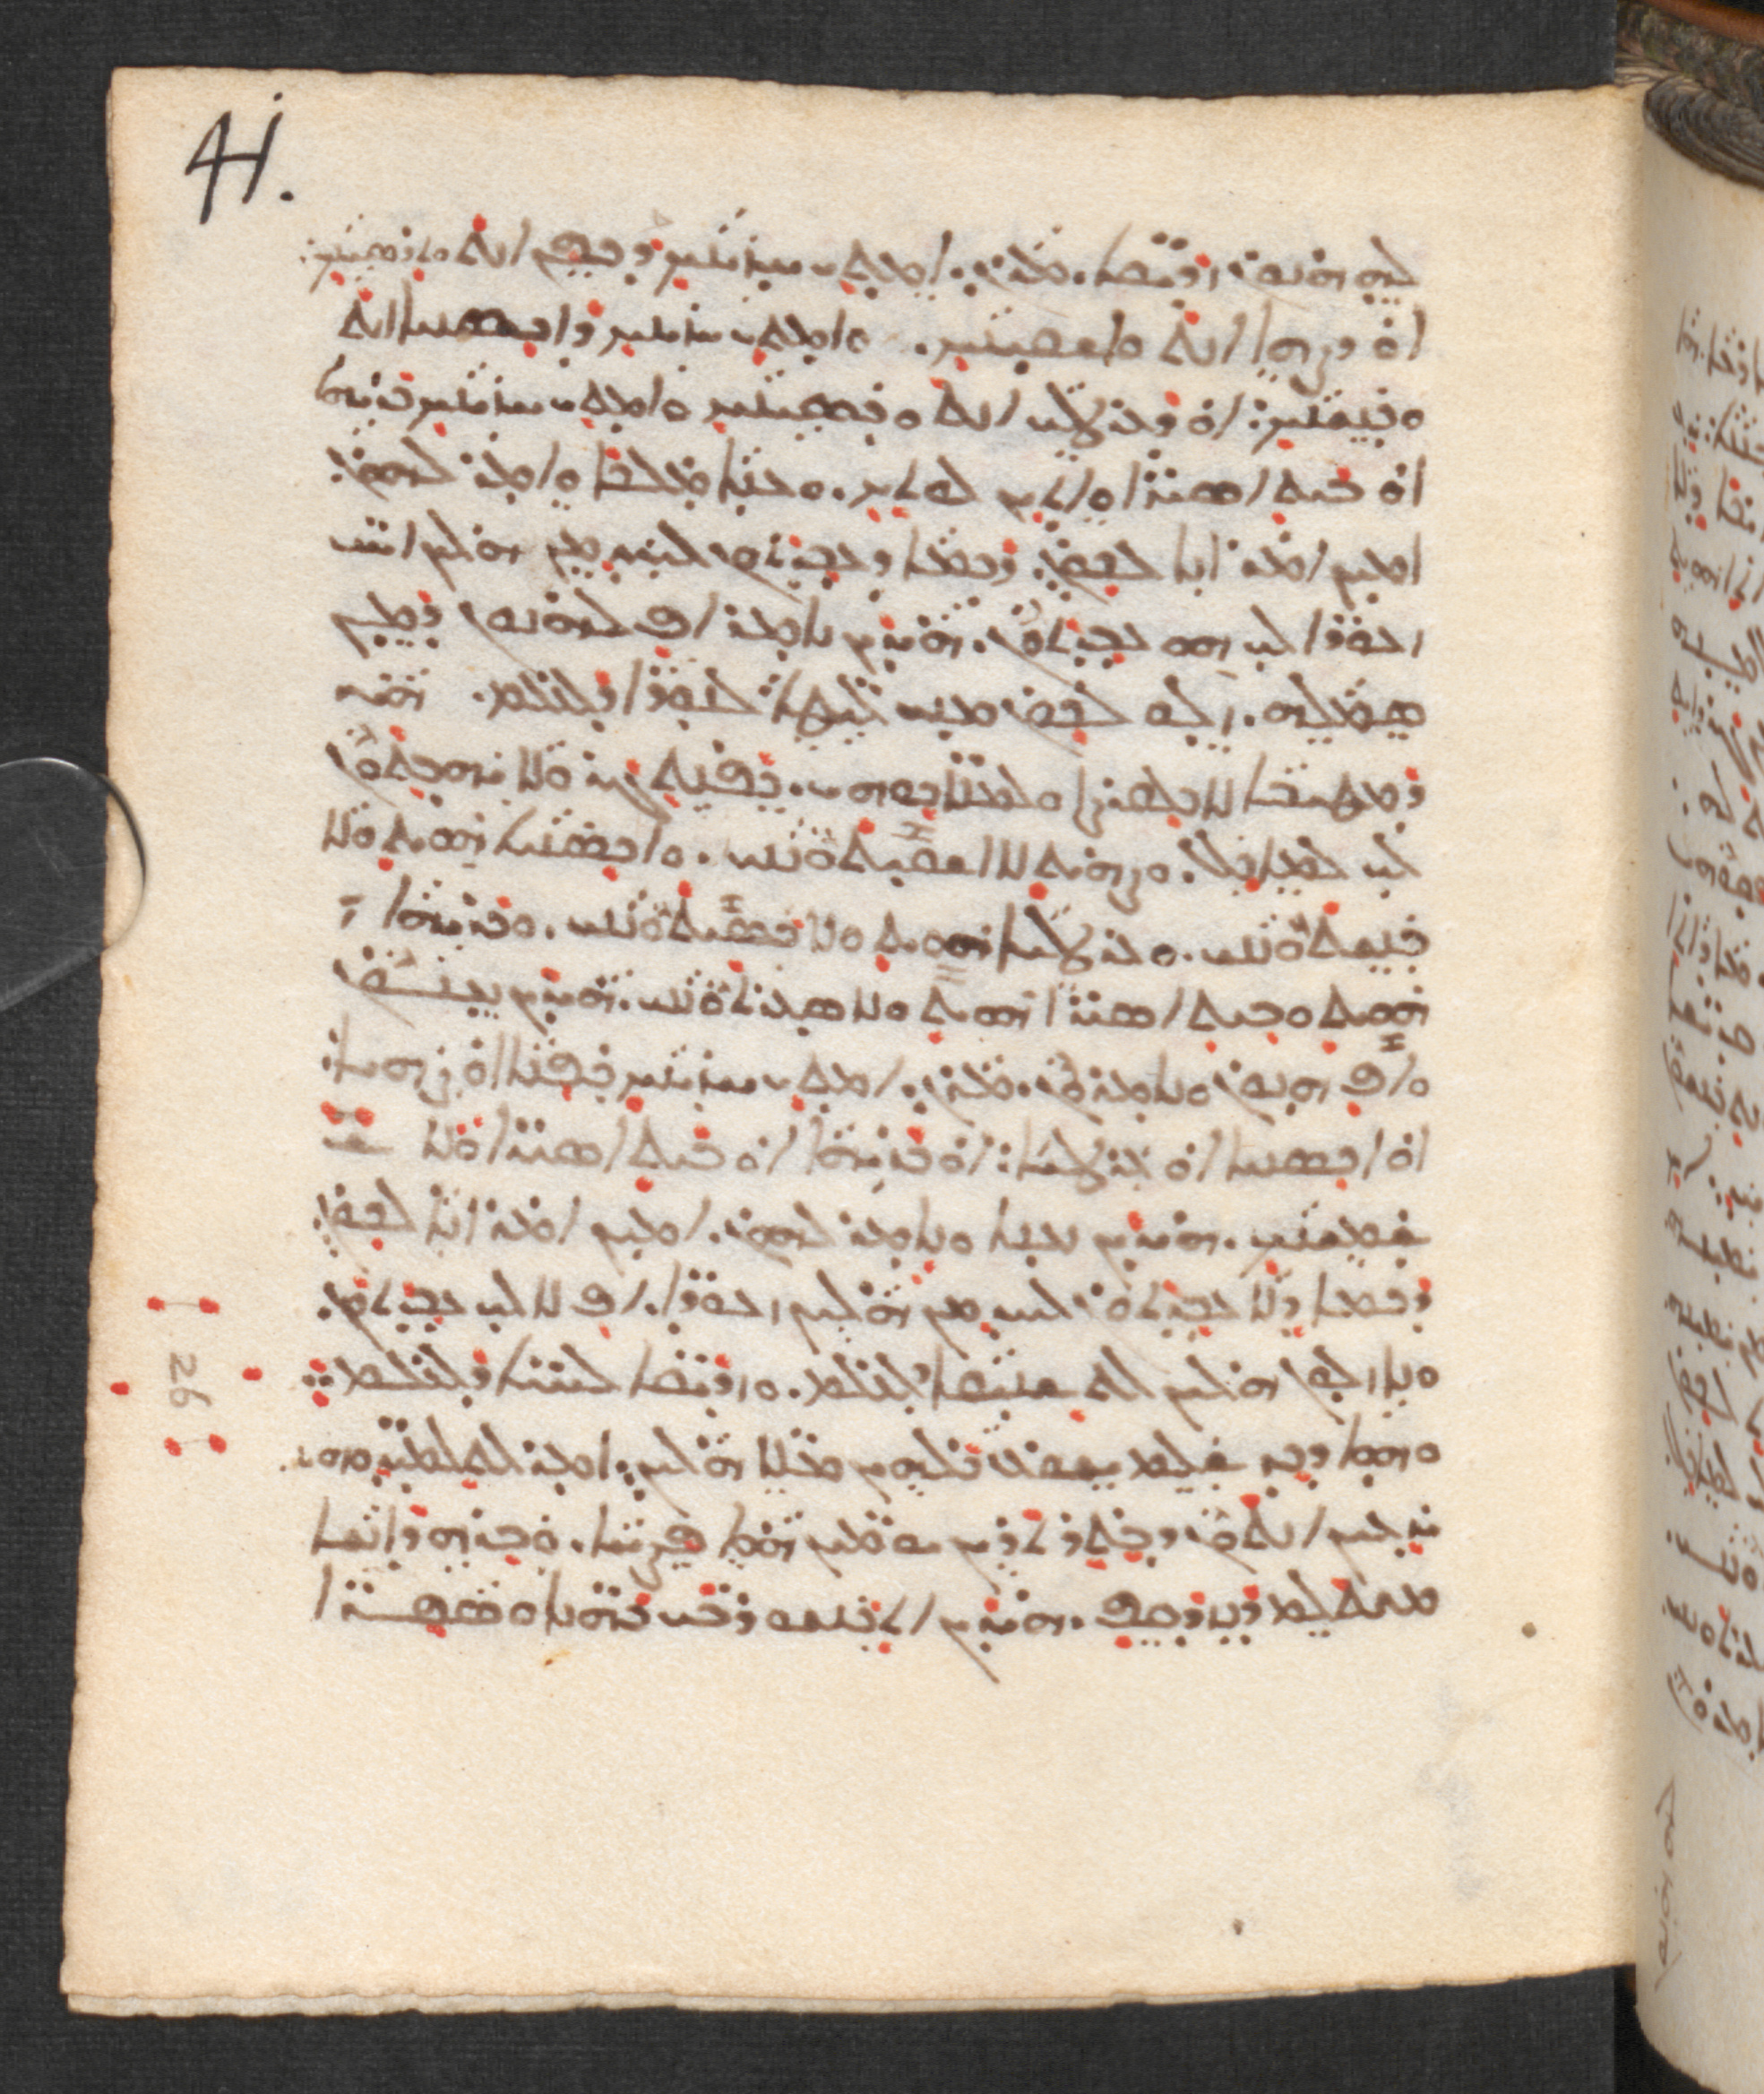ܠܗ ܗܢܘܢ ܙܕܝܩ̈ܐ. ܡܪܢ܆ ܐܡܬܝ ܚܙܝܢܟ ܕܟܦܢ ܐܢܬ ܘܬܪܣܝܢܟ܇
ܐܘ ܕܨܗܐ ܐܢܬ ܘܐܫܩܝܢܟ. ܘܐܡܬܝ ܚܙܝܢܟ ܕܐܟܣܢܝܐ ܐܢܬ
ܘܟܢܫܢܟ: ܐܘ ܕܥܪܛܠܝ ܐܢܬ ܘܟܣܝܢܟ ܘܐܡܬܝ ܚܙܝܢܟ ܟܪܝܗܐ
ܐܘ ܒܝܬ ܐܣܝܪ̈ܐ ܘܐܬܝܢ ܠܘܬܟ. ܘܥܢ̣ܐ ܡܠܟܐ ܘܐܡ̣ܪ ܠܗܘܢ.
ܐܡܝܢ ܐܡ̇ܪ ܐܢܐ ܠܟܘܢ܆ ܕܟܡܐ ܕܥܒܕܬܘܢ ܠܚܕ ܡܢ ܗܠܝܢ ܐܚ̈ܝ
ܙܥܘܪ̈ܐ ܠܝ ܗܘ ܥܒܕܬܘܢ. ܗܝܪܝܢ ܢܐܡ̣ܪ ܐܦ ܠܗܢܘܢ ܕܡ̣ܢ
ܣܡܠܗ ܙܠܘ ܠܟܘܢ ܡܢܝ ܠ̈ܝܛܐ ܠܢܘܪܐ ܕܠܥܠܡ. ܗ̇ܝ
ܕܡܛܝܒܐ ܠܐܟܠܩܪܨܐ ܘܠܡܠ̈ܐܟܘܗܝ. ܟܦܢܬ ܓܝܪ ܘܠܐ ܝܗܒܬܘܢ
ܠܝ ܠܡܐܟܠ. ܘܨܗܝܬ ܠܐ ܐܫܩܝܬܘܢܢܝ. ܘܐܟܣܢܝܐ ܗܘܝܬ ܘܠܐ
ܟܢܫܬܘܢܢܝ. ܘܥܪܛܠܝܐ ܗܘܝܬ ܘܠܐ ܟܣܝܬܘܢܢܝ. ܘܟܪܝܗܐ
ܗܘܝܬ ܘܒܝܬ ܐܣܝܪ̈ܐ ܗܘܝܬ ܘܠܐ ܣܥܪܬܘܢܢܝ. ܗܝܕܝܢ ܢܥܢܘܢ
ܘܐܦ ܗܢܘܢ ܘܢܐܡܪܘܢ ܡܪܢ: ܐܡܬܝ ܚܙܝܢܟ ܟܦܢܐ ܐܘܨܗܝܐ
ܐܘ ܐܟܣܢܝܐ ܐܘ ܥܪܛܠܝܐ: ܐܘ ܟܪܝܗܐ ܐܘ ܒܝܬ ܐܣܝܪ̈ܐ ܘܠܐ ܏ܫ
ܫܡܫܢܟ. ܗܝܪܝܢ ܢܥܢ̣ܐ ܘܢܐܡ̣ܪ ܠܗܘܢ: ܐܡܝܢ ܐܡ̇ܪ ܐܢܐ ܠܟܘܢ
ܕܟܡܐ ܕܠܐ ܥܒܕܬܘܢ ܠܚܕ ܡܢ ܗܠܝܢ ܙܥܘܪ̈ܐ. ܐܦ ܠܐ ܠܝ ܥܒܕܬܘܢ:
ܘܢܐܙܠܘܢ ܗܠܝܢ ܠܬܫܢܝܩܐ ܕܠܥܠܡ. ܘܙܕܝܩ̈ܐ ܠܚܝܐ ܕܠܥܠܡ܀
ܘܗܘܐ ܕܟܕ ܫܠܡ ܝܫܘܥ ܟܠܗܝܢ ܡ̈ܠܐ ܗܠܝܢ܆ ܐܡ̣ܪ ܠܬܠܡ̈ܝܕܘܗܝ
ܝ̇ܕܥܝܢ ܐܢܬܘܢ ܕܒܬܪ ܬܪܝܢ ܝܘܡ̈ܝܢ ܗܘܐ ܦܨܚܐ. ܘܒܪܗ ܪܐܢܫܐ
ܡܫܬܠܡ ܕܢܙܕܩܦ. ܗܝܕܝܢ ܐܬܟܢܫܘ ܪ̈ܒܝ ܟܗ̈ܢܐ ܘܣܦܪ̈ܐ
41.
26